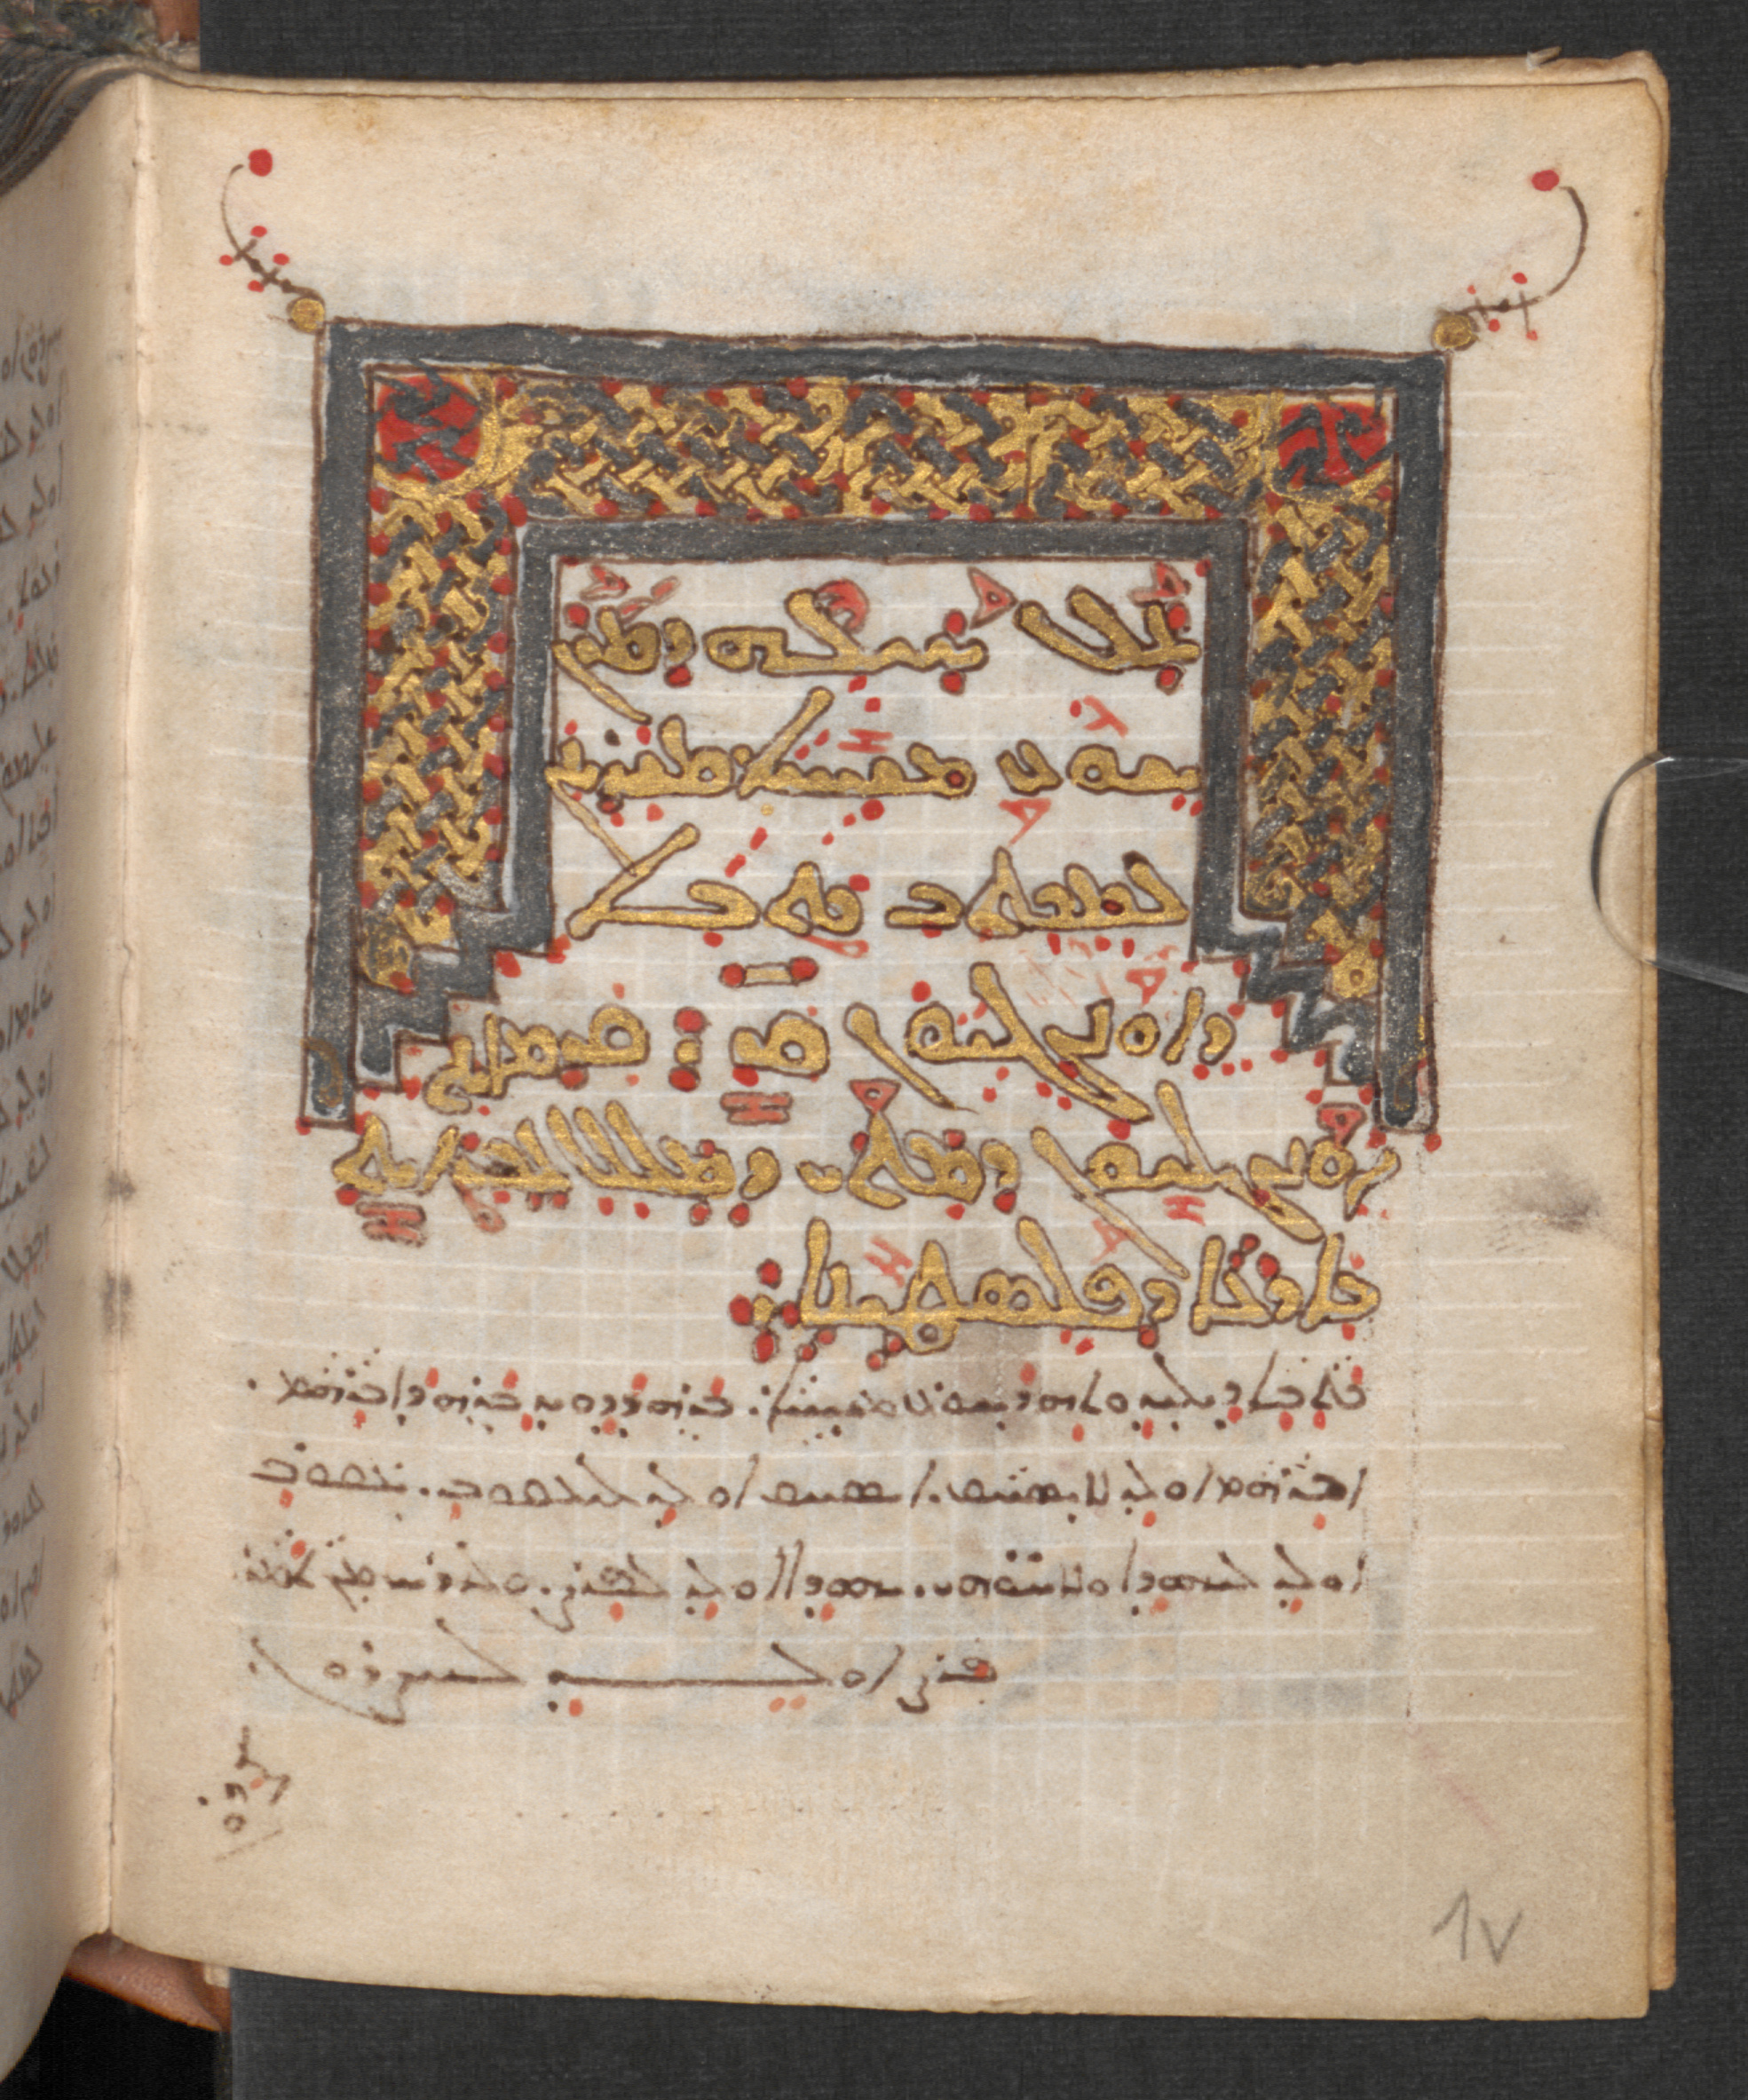ܥܠ ܚܝܠܗ ܕܡܪܢ
ܝܫܘܥ ܡܫܝܚܐ ܡܫܪܝܢܢ
ܠܡܟܬܒ ܟܬܒܐ
ܕܐܘܢܓܠܝܘܢ ܏ܩܕ: ܩܕܡܐܝܬ
ܐܘܢܓܠܝܘܢ ܕܡܬܝ ܕܡܠܠ ܥܒܪܐܝܬ
ܒܐܪܥܐ ܕܦܠܣܛܝܢܐ ܀
ܟܬܒܐ ܕܝܠܝܕܘܬܗ ܕܝܫܘܥ ܡܫܝܚܐ ܒܪܗ ܕܕܘܝܕ ܒܪܗ ܕܐܒܪܗܡ.
ܐܒܪܗܡ ܐܘܠܕ ܠܐܝܣܚܩ. ܐܝܣܚܩ ܐܘܠܕ ܠܝܥܩܘܒ. ܝܥܩܘܒ
ܐܘܠܕ ܠܝܗܘܕܐ ܘܠܐܚ̈ܘܗܝ. ܝܗܘܕܐ ܐܘܠܕ ܠܦܪܨ. ܘܠܙܪܚ ܡ̣ܢ ܬܡܪ
ܦܪܨ ܐܘܠܕ ܠܚܨܪܘܢ.
ܚܨܪܘܢ
1v